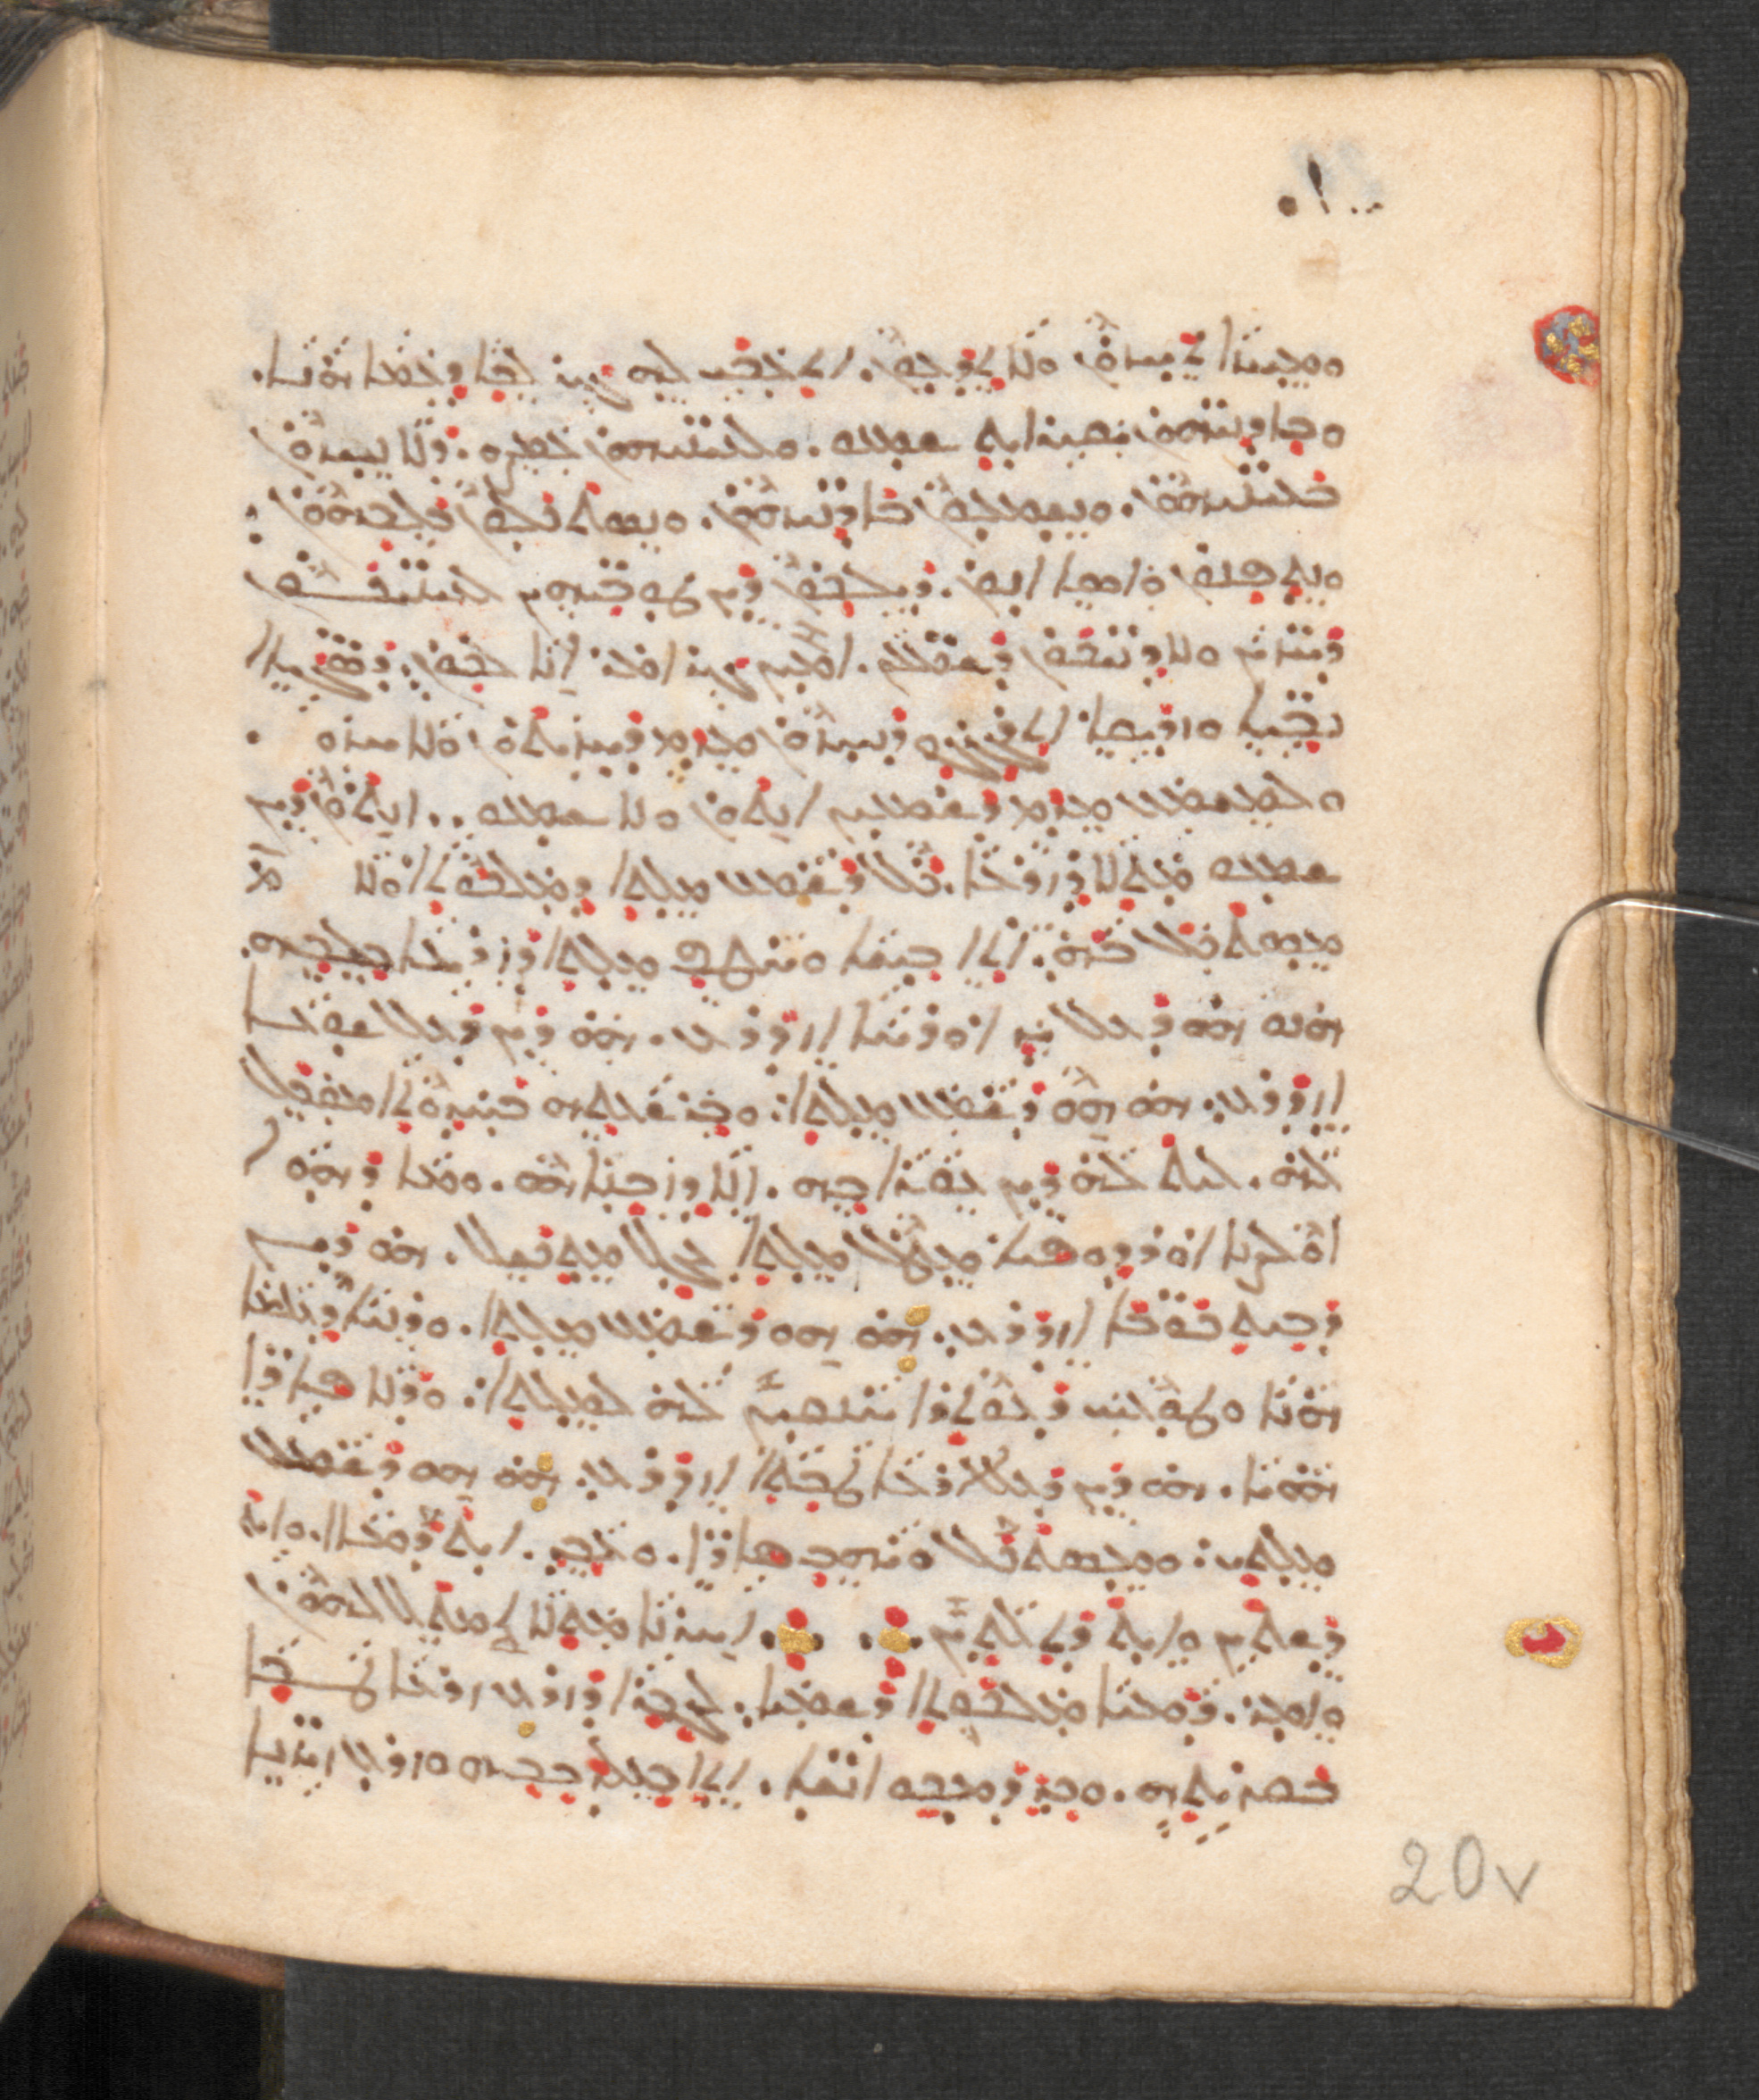ܘܡܚܙܐ ܬܚܙܘܢ ܘܠܐ ܬܕܥܘܢ. ܐܬܥܒܝ ܠܗ ܓܝܪ ܠܒܐ ܕܥܡܐ ܗܢܐ.
ܘܒܐܕܢܝ̈ܗܘܢ ܝܩܝܪܐܝܬ ܫܡ̣ܥܘ. ܘܠܥܝܢ̈ܝܗܘܢ ܥܡܨܘ. ܕܠܐ ܢܚܙܘܢ
ܒܥܝ̈ܢܝܗܘܢ. ܘܢܫ̣ܡܥܘܢ ܒܐܕ̈ܢܝܗܘܢ. ܘܢܣܬܟܠܘܢ ܒܠܒܗܘܢ.
ܘܢܬܦܢܘܢ ܘܐܣܐ ܐܢܘܢ. ܕܝܠܟܘܢ ܕܝܢ ܛܘܒ̈ܝܗܝܢ ܠܥܝܢ̈ܝܟܘܢ
ܕܚܙܝܢ ܘܠܐܕܢܝ̈ܟܘܢ ܕܫܡ̈ܥܢ. ܐܡܝܢ ܓܝܪ ܐܡ̇ܪ ܐܢܐ ܠܟܘܢ܆ ܕܣܓ̈ܝܐܐ
ܢܒ̈ܝܐ ܘܙܕܝܩܐ ܐܬܪܓܓܘ ܕܢܚܙܘܢ ܡܕܡ ܕܚܙܝܬܘܢ ܘܠܐ ܚܙܘ.
ܘܠܡܫܡܥ ܡܕܡ ܕܫ̇ܡܥܝܢ ܐܢܬܘܢ ܘܠܐ ܫܡ̣ܥܘ. ܐܢܬܘܢ ܕܝܢ
ܫܡ̣ܥܘ ܡܬܠܐ ܕܙܪܥܐ. ܟܠ ܕܫ̇ܡܥ ܡܠܬܐ ܕܡܠܟܘܬܐ ܘܠܐ ܏ܡ
ܡܣܬܟܠ ܒܗ̇܆ ܐܬܐ ܒܝܫܐ ܘܚ̇ܛܦ ܡܠܬܐ ܕܙܪܥܐ ܒܠܒܗ.
ܗܢܘ ܗ̇ܘ ܕܥܠ ܝܕ ܐܘܪܚܐ ܐܙܕܪܥ. ܗ̇ܘ ܕܝܢ ܕܥܠ ܫܘܥܐ
ܐܙܕܪܥ܆ ܗ̇ܘ ܗܘ ܕܫ̇ܡܥ ܡܠܬܐ: ܘܒܪܫܥܬܗ ܒܚܕܘܬܐ ܡܩܒܠ
ܠܗ̇. ܠܝܬ ܠܗ̇ ܪܝܢ ܥܘܪܐ ܒܗ. ܐܢܐ ܕܙܒܢܐ ܗ̇ܘ. ܘܡܐ ܕܗܘ̣ܐ
ܐܘܠܨܢܐ ܐܘܪܕܘܦܝܐ ܡܛܠ ܡܠܬܐ ܥܓ̣ܠ ܡܬܟܫܠ. ܗ̇ܘ ܕܝܢ
ܕܒܝܬ ܟܘ̈ܒܐ ܐܙܕܪܥ܆ ܗ̇ܘ ܗܘ ܕܫܡ̣ܥ ܡܠܬܐ. ܘܪܢܝܐ ܕܥܠܡܐ
ܗܢܐ ܘܛܘܥܚ ܕܥܘܬܪܐ ܚ̇ܢܩܝܢ ܠܗ̇ ܠܡܠܬܐ: ܘܕܠܐ ܦܐܪ̈ܐ
ܗܘ̇ܝܐ. ܗ̇ܘ ܕܝܢ ܕܥܠ ܐܪܥܐ ܛܒܬܐ ܐܙܕܪܥ܆ ܗ̇ܘ ܗܘ ܕܫ̇ܡܥ
ܡܠܬܝ: ܘܡܣܬܟܠ ܘܝ̇ܗܒ ܦܐܪ̈ܐ. ܘܥܒܕ. ܐܝܬ ܕܡܐܐ. ܘܐܝܬ
ܕܫܬܝܢ ܘܐܝܬ ܕܬܠܬܝܢ ܀ ܀ ܐܚܪܢܐ ܡܬܠܐ ܐܡܬܠ ܠܗܘܢ
ܘܐܡ̣ܪ. ܕܡܝܐ ܡܠܟܘܬܐ ܕܫܡܝܐ܆ ܠܓܒܪܐ ܕܙܪܥ ܙܪܥܐ ܛܒܐ
ܒܩܪܝܬܗ. ܘܟܕ ܕܡܟܘ ܐܢ̈ܫܐ܆ ܐܬܐ ܒܥܠܕܒܒܗ ܘܙܪܥ ܙܝܙ̈ܢܐ
ܝ
20v